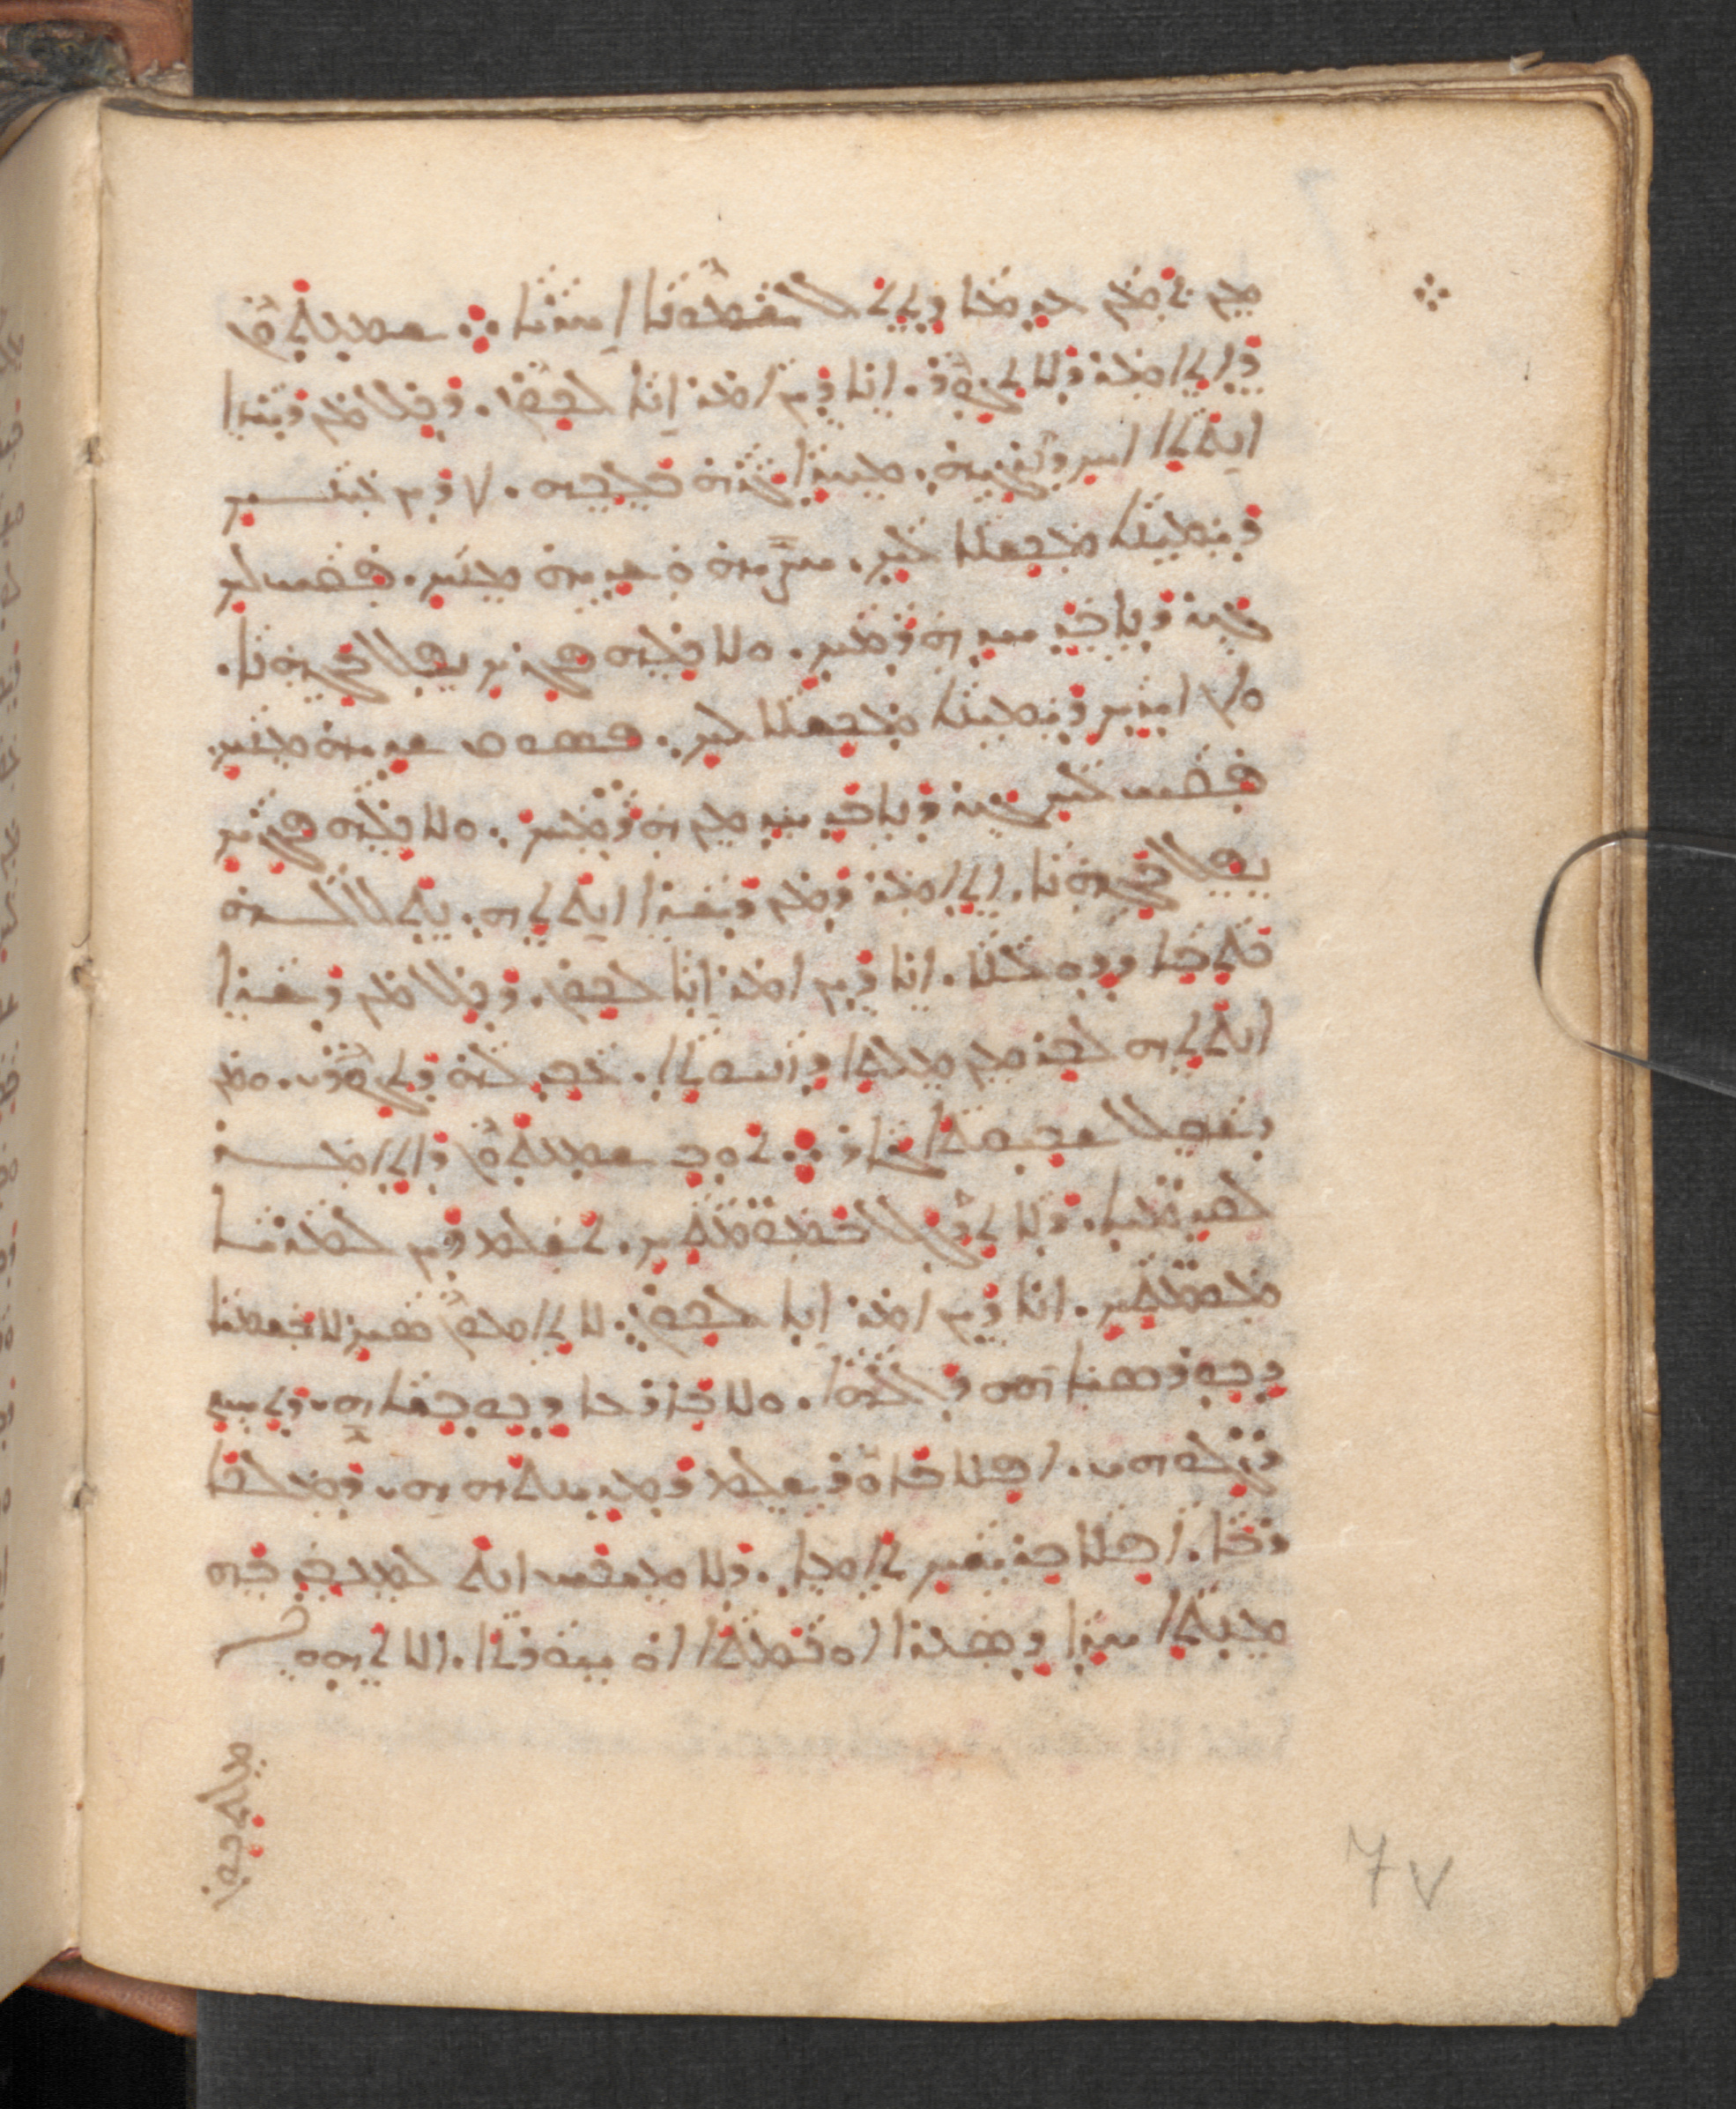ܡܢ ܬܡܢ ܥܕܡܐ ܕܬܬܠ ܫܡܘܢܐ ܐܚܪܝܐ܀ ܫܡܥܬܘܢ
ܕܐܬܐܡܪ ܕܠܐ ܬܓܘܪ. ܐܢܐ ܕܝܢ ܐܡ̇ܪ ܐܢܐ ܠܟܘܢ. ܕܟܠ ܡ̇ܢ ܕܚ̇ܙܐ
ܐܢܬܬܐ ܐܝܟ ܕܢܪ̈ܓܝܗ̇܆ ܡܚܕܐ ܓܪܗ̇ ܒܠܒܗ. ܐܢܪܢ ܥܝܢܟ
ܕܝܡܝܢܐ ܡܟܫܠܐ ܠܟ܆ ܚܨܝܗ̇ ܘܫܕܝܗ̇ ܡܢܟ. ܦܩܚ ܠܟ
ܓܝܪ ܕܢܐܒܕ ܚܕ ܗܕܡܟ܆ ܘܠܐ ܟܠܗ ܦܓܪܟ ܢܦ̣ܠ ܒܓܗܢܐ.
ܘܐܢ ܐܝܕܟ ܕܝܡܝܢܐ ܡܟܫܠܐ ܠܟ܆ ܦܣܘܩ ܫܕܝܗ̇ ܡܢܟ.
ܦܩܚ ܠܟ ܓܝܪ ܕܢܐܒܕ ܚܕ ܡܢ ܗܕܡ̈ܝܟ܆ ܘܠܐ ܟܠܗ ܦܓܪܟ
ܢܦܠ ܒܓܗܢܐ. ܐܬܐܡܪ ܕܡ̇ܢ ܕܫܪܐ ܐܢܬܬܗ ܢܬܠ ܠܗ̇
ܟܬܒܐ ܕܕܘܠܠܐ. ܐܢܐ ܕܝܢ ܐܡ̇ܪ ܐܢܐ ܠܟܘܢ܇ ܕܟܠ ܡ̇ܢ ܕܫܪܐ
ܐܢܬܬܗ ܠܒܪ ܡܢ ܡܠܬܐ ܕܙܢܝܘܬܐ܆ ܥܒܕ ܠܗ̇ ܕܬܓܘܪ ܘܡ̇ܢ
ܕܫܩܠ ܫܒܝܩܬܐ ܓܐܪ܀ ܬܘܒ ܫܡ̣ܥܬܘܢ ܕܐܬܐܡܪ
ܠܩܕܡ̈ܝܐ܆ ܕܠܐ ܬܕܓܠ ܒܡܘ̈ܡܬܟ. ܬܫܠܡ ܕܝܢ ܠܡܪܝܐ
ܡܘܡ̈ܬܟ. ܐܢܐ ܕܝܢ ܐܡ̇ܪ ܐܢܐ ܠܟܘܢ܆ ܠܐ ܬܐܡܘܢ ܣܟ ܠܐ ܒܫܡܝܐ
ܕܟܘܪܣܝܐ ܗܘ ܕܐܠܗܐ. ܘܠܐ ܒܐܪܥܐ ܕܟܘܒܫܐ ܗܝ ܕܬܚܝܬ
ܪ̈ܓܠܘܗܝ ܐܦܠܐ ܒܐܘܪܝܫܠܡ ܕܡܕܝܢܬܗ ܗܝ ܕܡܠܟܐ
ܪܒܐ. ܐܦܠܐ ܒܪܝܫܟ ܬܐܡܐ܆ ܕܠܐ ܡܫܟܚ ܐܢܬ ܠܡܥܒܕ ܒܗ
ܡܢܬܐ ܚܕܐ ܕܣܥܪܐ ܐܘܟܡܬܐ ܐܘ ܚܘܪܬܐ. ܐܠܐ ܬܗܘܐ
܀
ܡܠܬܟܘܢ
7v